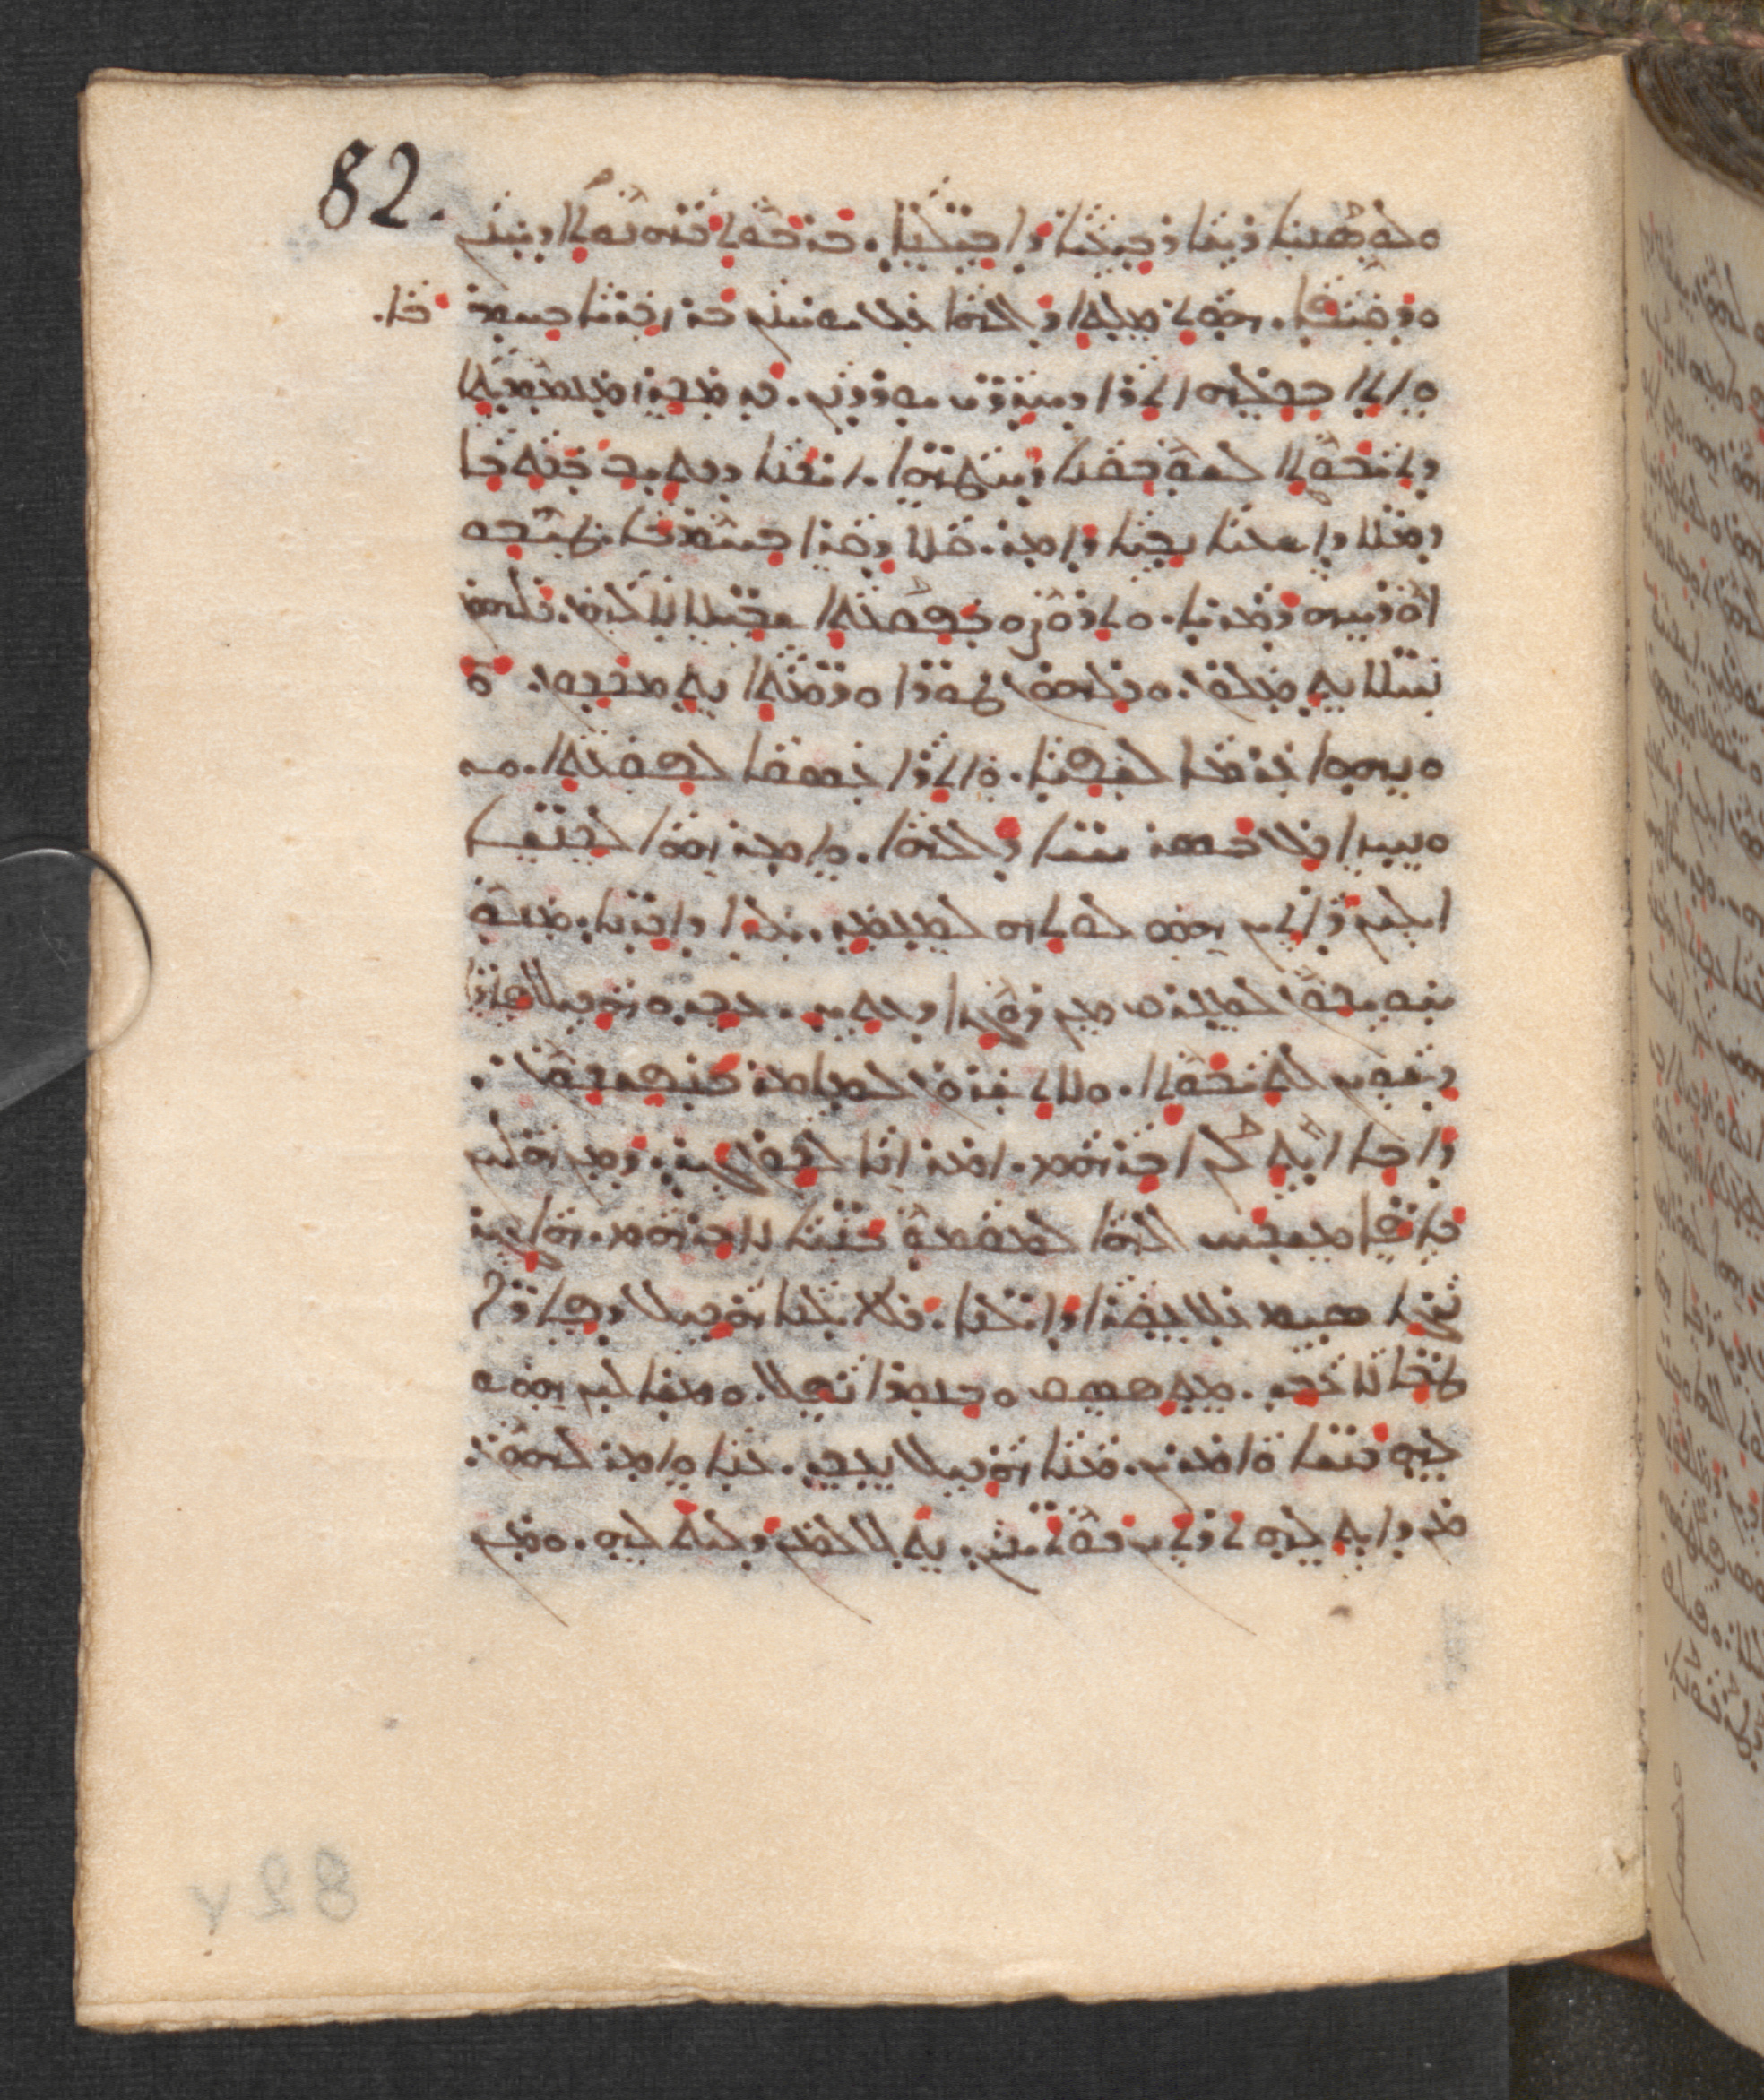ܘܠܘܣܢܝܐ ܪܝܫܐ ܪܒܝܥܝܐ ܕܐܒܝ̈ܠܢܐ܆ ܒܪܒܘܬ ܟܗܢܘܬܐ ܕܚܢܢ
ܘܕܩܝܦܐ܆ ܗܘ̣ܬ ܡܠܬܐ ܕܐܠܗܐ ܥܠ ܝܘܚܢܢ ܒܪ ܙܟܪܝܐ ܒܚܘܪ
ܘܐܬܐ ܒܟܠܗ ܐܬܪܐ ܕܚܕܪ̈ܝ ܝܘܪܕܢܢ. ܟܕ ܡܟܪܙ ܡܥܡܘܕܝܬܐ
ܕܬܝܒܘܬܐ ܠܫܘܒܩܢܐ ܕܚܛܗ̈ܐ. ܐܝܟܢܐ ܕܟܬܝܒ ܒܟܬܒܐ
ܕܡ̈ܠܐ ܕܐܫܥܝܐ ܢܒܝܐ ܕܐܡ̣ܪ. ܩܠܐ ܕܩܪܐ ܒܚܘܪܒܐ ܛܝܒܘ
ܐܘܪܚܗ ܕܡܪܝܐ܆ ܘܬܪܘܨܘ ܒܦܩܥܬܐ ܫܒ̈ܝܠܐ ܠܐܠܗܢ. ܟܠܗܘܢ
ܢܚ̈ܠܐ ܢܬܡܠܘܢ. ܘܟܠܗܘܢ ܛܘܪ̈ܐ ܘܪ̈ܘܡܬܐ ܢܬܡܟܟܘܢ. ܏ܘ
ܘܢܗܘܐ ܥܪܡܐ ܠܫܦܝܐ܆ ܘܐܬܪܐ ܥܣܩܐ ܠܦܩܥܬܐ. ܘ
ܘܢܚܙܐ ܟܠ ܒܣܪ ܚܝ̈ܐ ܕܐܠܗܐ. ܘܐܡ̣ܪ ܗܘܐ ܠܟܢ̈ܫܐ
ܐܝܠܝܢ ܕܐܬܝܢ ܗܘܘ ܠܘܬܗ ܠܡܥܡܕ. ܝܠܕܐ ܕܐܟܕ̈ܢܐ܆ ܡܢܘ
ܚܘܝܟܘܢ ܠܡܥܪܩ ܡ̣ܢ ܪܘܓܙܐ ܕܥܬܝܕ. ܥܒܕܘ ܗܟܝܠܐ ܦܐܪ̈ܐ
ܕܫܘܝܢ ܠܬܝܒܘܬܐ. ܘܠܐ ܬܫܪܘܢ ܠܡܐܡܪ ܒܢܦܫܟܘܢ܇
ܕܐܒܐ ܐܝܬ ܠܢ ܐܒܪܗܡ. ܐܡ̇ܪ ܐܢܐ ܠܟܘܢ ܓܝܪ܆ ܕܡ̣ܢ ܗܠܝܢ
ܟܐܦ̈ܐ ܡܫܟܚ ܐܠܗܐ ܠܡܩܡܘ ܒܢ̈ܝܐ ܠܐܒܪܗܡ. ܗܐ ܓܝܪ
ܢܪܓܐ ܣܝܡ ܥܠ ܥܩܪܐ ܕܐܝ̈ܠܢܐ: ܟܠ ܐܝܠܢܐ ܗܟܝܠ ܕܦܐܪ̈ܐ
ܛܒ̈ܐ ܠܐ ܥܒܕ. ܡܬܦܣܩ ܘܒܢܘܪܐ ܢ̇ܦܠ. ܘܡܫܐܠܝܢ ܗܘܘ
ܠܗ ܟܢ̈ܫܐ ܘܐܡ̇ܪܝܢ. ܡܢܐ ܗܟܝܠ ܢܥܒܕ. ܥܢ̣ܐ ܘܐܡ̣ܪ ܠܗܘܢ.
ܡ̇ܢ ܕܐܝܬ ܠܗ ܬܪܬܝܢ ܟܘܬ̈ܝܢܝܢ܆ ܢܬܠ ܠܡ̇ܢ ܕܠܝܬ ܠܗ. ܘܡ̇ܢ
82.
ܒܐ.